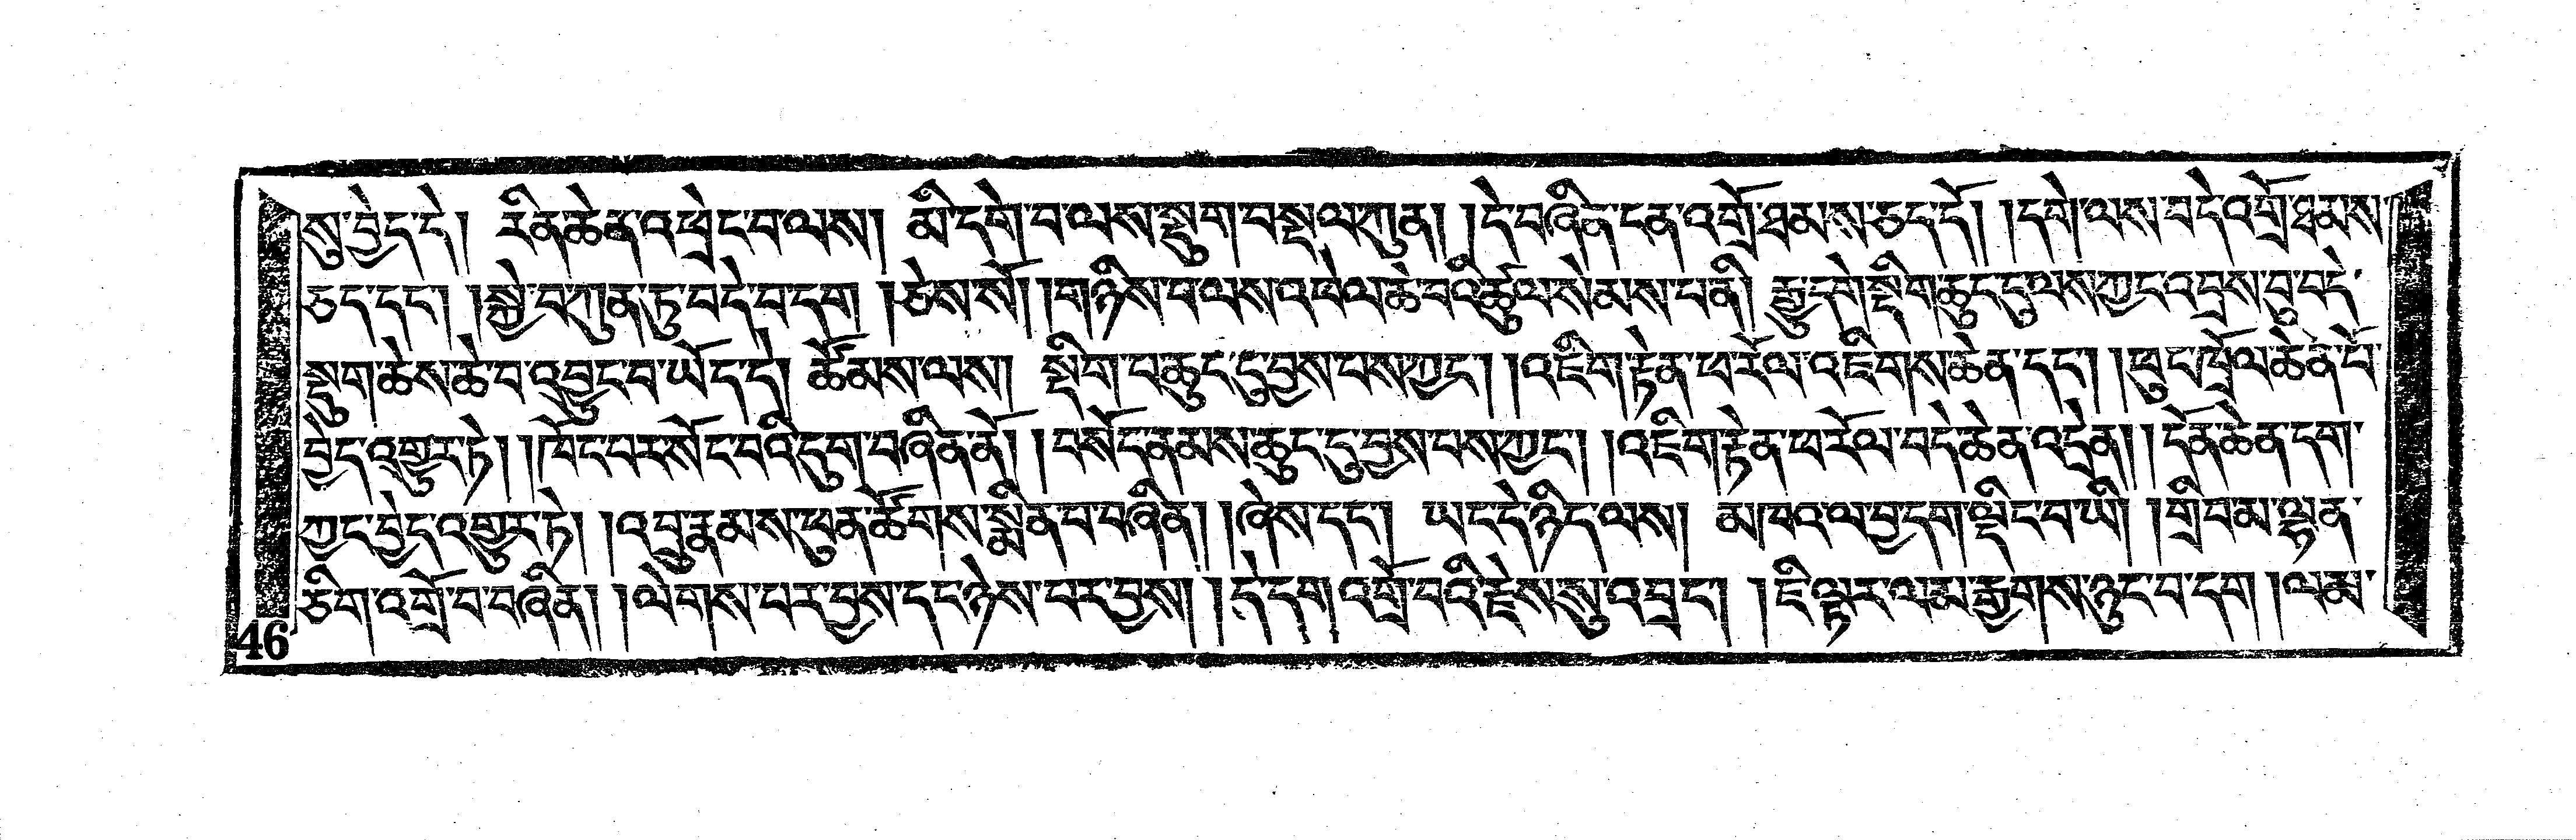སུ་བྱེད་དེ། རིན་ཆེན་འཕྲེང་བ་ལས། མི་དགེ་བ་ལས་སྡུག་བསྔལ་ཀུན། །དེ་བཞིན་ངན་འགྲོ་ཐམས་ཅད་དོ། །དགེ་ལས་བདེ་འགྲོ་ཐམས་
ཅད་དང་། །སྐྱེ་བ་ཀུན་ཏུ་བདེ་བ་དག །ཅེས་སོ། །གཉིས་པ་ལས་འཕེལ་ཆེ་བའི་ཚུལ་སེམས་པ་ནི། རྒྱུ་དགེ་སྡིག་ཆུང་ངུ་ལས་ཀྱང་འབྲས་བུ་བདེ་
སྡུག་ཆེས་ཆེ་བ་འབྱུང་བ་ཡོད་དེ། ཚོམས་ལས། སྡིག་པ་ཆུང་ངུ་བྱས་པས་ཀྱང་། །འཇིག་རྟེན་ཕ་རོལ་འཇིགས་ཆེན་དང་། །ཕུང་ཁྲོལ་ཆེན་པོ་
བྱེད་འགྱུར་ཏེ། །ཁོང་པར་སོང་བའི་དུག་བཞིན་ནོ། །བསོད་ནམས་ཆུང་ངུ་བྱས་པས་ཀྱང་། །འཇིག་རྟེན་ཕ་རོལ་བདེ་ཆེན་འདྲེན། །དོན་ཆེན་དག་
ཀྱང་བྱེད་འགྱུར་ཏེ། །འབྲུ་རྣམས་ཕུན་ཚོགས་སྨིན་པ་བཞིན། །ཞེས་དང་། ཡང་དེ་ཉིད་ལས། མཁའ་ལ་བྱ་དག་ལྡིང་བ་ཡི། །གྲིབ་མ་ལྷན་
ཅིག་འགྲོ་བ་བཞིན། །ལེགས་པར་བྱས་དང་ཉེས་པར་བྱས། །དེ་དག་འགྲོ་བའི་རྗེས་སུ་འབྲང་། །ཇི་ལྟར་ལམ་རྒྱགས་ཉུང་བ་དག །ལམ་